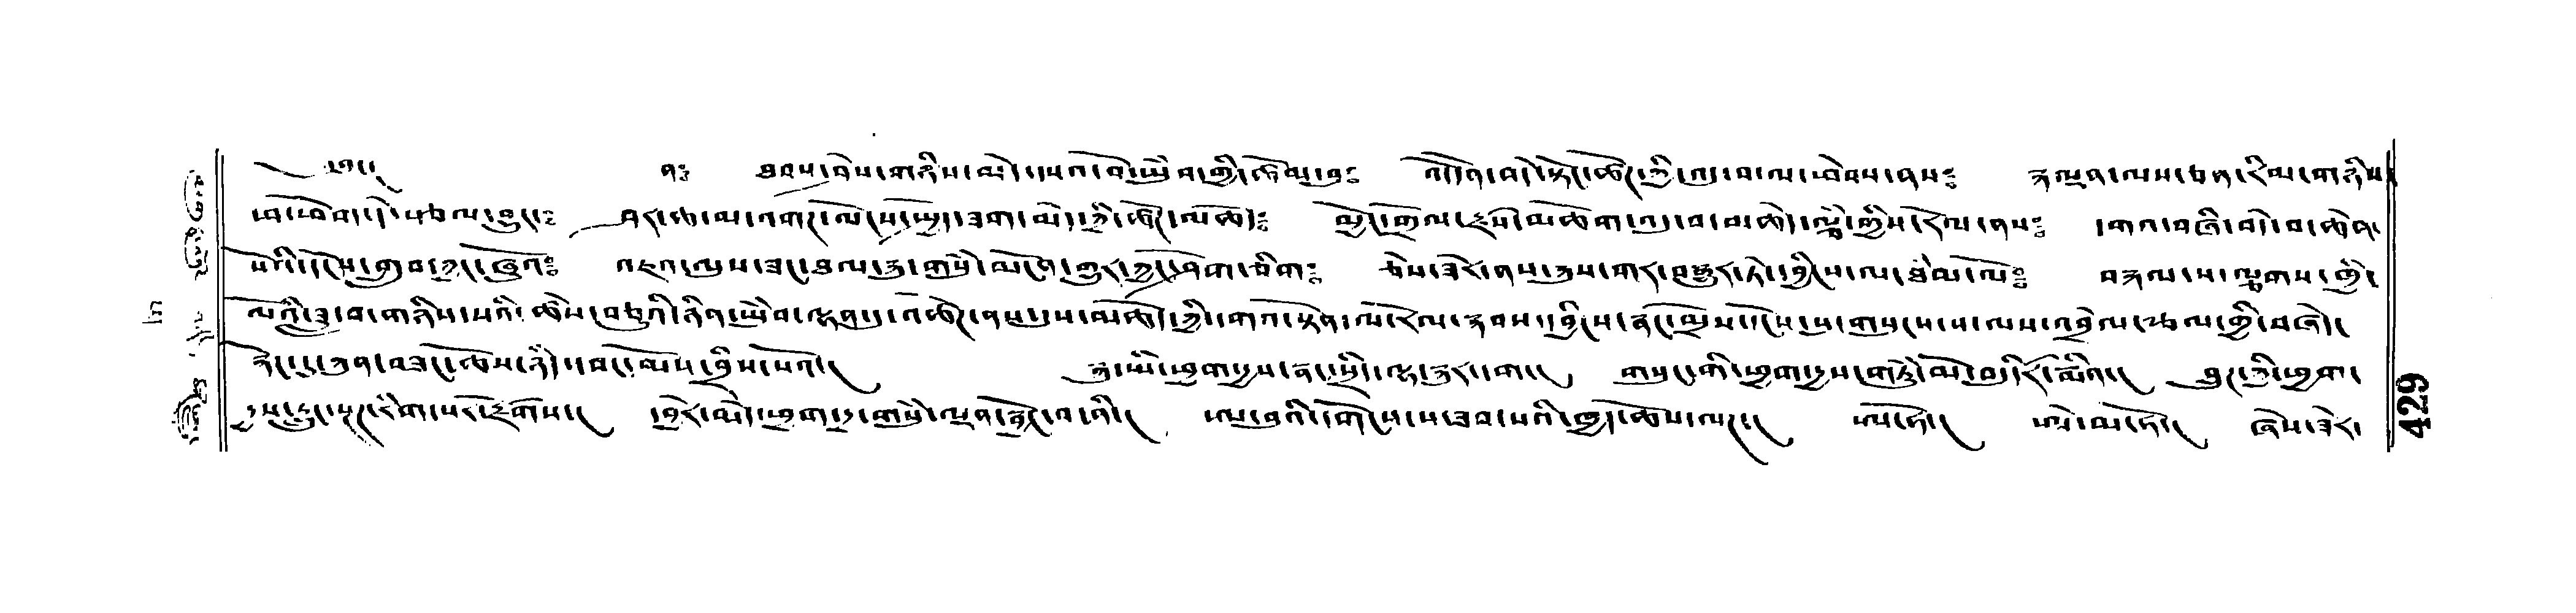ན༔ ཐབས་ཤེས་གཉིས་མེད་དཔའ་བོ་ཡབ་ཡུམ་གྱི་ཚོམ་བུ༔ འདོད་ཡོན་བདེ་སྟོང་ཚོགས་ཀྱི་འདུ་བ་ལ་ཕེབས་ནས༔ སྐལ་ལྡན་ལས་ཅན་རིམ་གཉིས་
ཕ་ཕོག་དེ་སྩལ་བྱུང༔ ཤར་ཆ་མ་འགགས་ལོངས་སྤྱོད་ཟག་མེད་ཀྱི་ཚོགས་མཆོད༔ མྱོང་གྲོལ་རྫས་མཆོག་འདུ་བ་མཆེད་ལྕམ་གྱིས་རོལ་ནས༔ དགའ་བཞི་བདེ་བ་ཆེན་
པོའི་དངོས་གྲུབ་ཀྱང་ཞུའོ༔ འཇའ་ལུས་ཟང་ཐལ་སྐུ་གསུམ་མངོན་གྱུར་ཀྱང་ཤོག་ཅིག༔ ཅེས་ཟེར་ནས་སྐུས་གར་བསྒྱུར་ཏེ་དབྱིངས་ལ་ཐིམ་མོ༔ བསྐལ་པ་ལྕགས་ཁྱི་
ལོའི་ཟླ་བ་གཉིས་པའི་ཚེས་བཅུའི་ཉིན་ཡབ་ཡུམ་ལྷན་དུ་འཚོགས་ནས་དུས་མཆོད་ཀྱི་དགའ་སྟོན་ལ་རོལ་སྐབས་དབྱིངས་སྣང་མཁའ་འགྲོས་དངོས་སུ་གསུངས་པ་ལས་འབྲེལ་རྩལ་གྱི་བཞེད་
སྐོང་དུ་ཀུན་བཟང་ཆོས་ཉིད་དབང་མོས་བྲིས་པའོ།། སྐུ་ཡི་ཕྱག་རྒྱས་སྣང་སྲིད་ལྷ་སྐུར་དག །གསུང་གི་ཕྱག་རྒྱས་གཏུམ་མོ་བདུར་རྩིར་སྨིན། །ཐུགས་ཀྱི་ཕྱག་
རྒྱས་རླུང་སྔགས་རིག་པར་རྫོགས། །དབྱེར་མེད་ཕྱག་རྒྱ་གསུམ་ལྡན་སྦྱོང་བ་ནི། །ཨ་བུའི་དགོངས་པ་ཟབ་པའི་ཁྱད་ཆོས་ལགས། ཨ་ཧོ། ཨེ་མ་ཧོ། ཞེས་ཟེར་